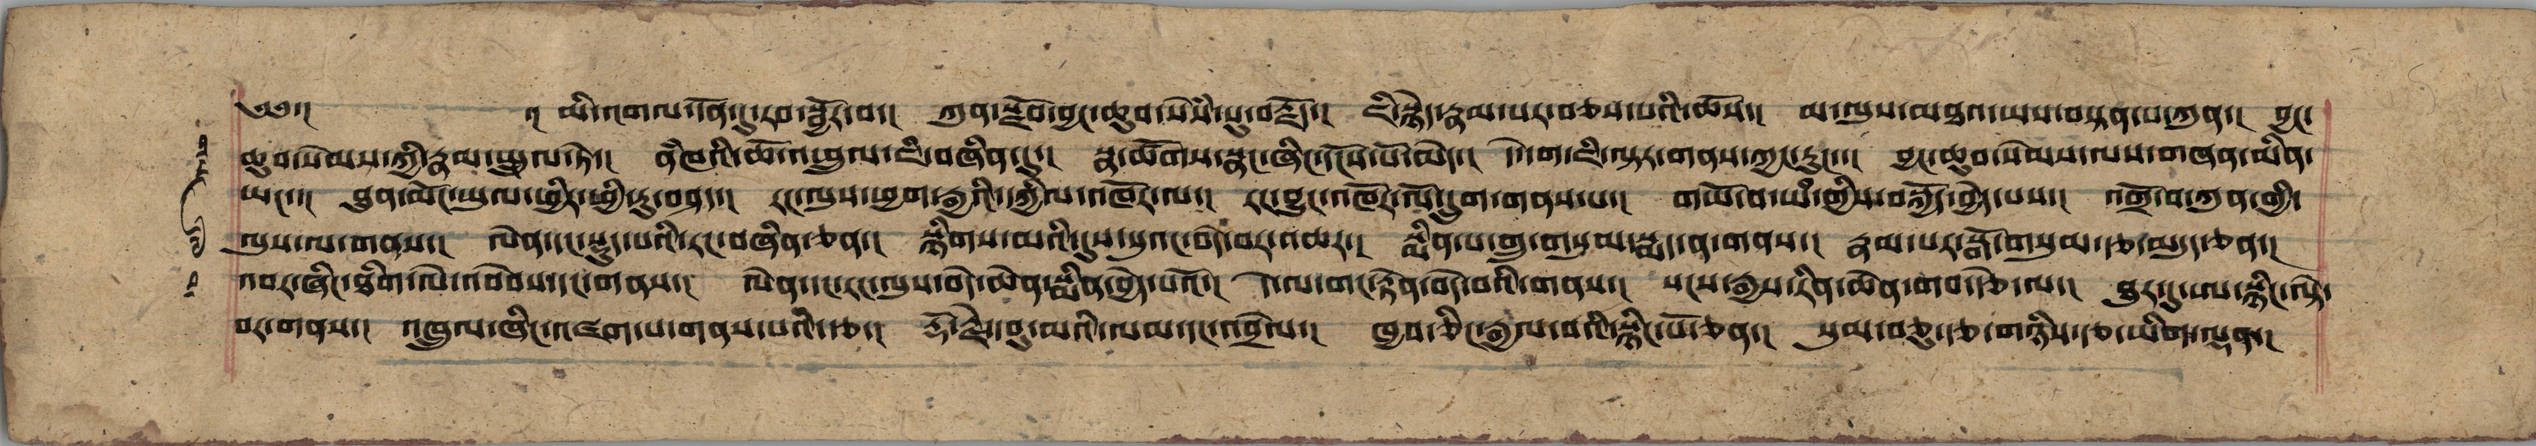༄༅་། ་། མི་འགལ་དོན་དུ་རབ་སྦྱོར་བ་། ཀུན་སྫོབ་བྱང་ཆུབ་སེཾས་སུ་བརྗོད་། ཇི་སྙེད་རྣམ་པར་བཅས་པའི་ཆོས་། མ་ལུས་མཐའ་ཡས་བསྟན་པ་ཀུན་། བྱང་
ཆུབ་སེམས་ཀྱི་རྣམ་སྤྲུལ་ཏེ་། ནཾཁའི་ཆོ་འཕྲུལ་ཇི་བཞིན་དུ་། སྣ་ཚོགས་སྣང་ཞིང་དངོས་པོ་མེད་། དེ་དག་ཇི་ལྟར་གནས་ཀྱང་རུང་་། བྱང་ཆུབ་སེམས་ལས་གཞན་མིན་
ཡང་་། ཐུན་མོང་ཡུལ་ཕྱིར་ཕྱི་རུ་བཤད་། རང་ལུས་ཕྱག་རྒྱའི་དཀྱིལ་འཁོར་ལ་། རང་བྱུང་འཁོར་ལོ་དྲུག་གནས་པ་། གཡོ་བ་ཡཾ་གྱིས་བསྐྱོད་བྱེད་པས་། འགྲོ་བ་ཀུན་གྱི་
ལུས་ལ་གནས་། ལེན་དང་སྡུད་པའི་རང་བཞིན་ཅན་། སྙིགས་མའི་དུས་སུའང་བདེ་བར་འཆར་། སྨིན་པ་གྲུ་གསུམ་སྨད་ན་གནས་། རྣམ་པར་སྒོ་གསུམ་རྩ་མདུད་ཅན་།
འབར་ཤིང་ཐིག་ལེ་འབེབས་དང་གནས་། ལེན་དང་རང་ལུས་བདེ་ཆེན་སྨིན་བྱེད་པའོ་། དེ་ལ་གང་རྟེན་བདེ་བའི་གནས་། སངས་རྒྱས་རིན་ཆེན་གབ་རྩེ་ལ་། ཐུར་དུ་ཨ་སྙིང་ལྟེ་
བར་གནས་། འཁྲུལ་ཞིང་འཛག་པ་གནས་པའི་རྩ་། རྡོ་རྗེ་དབུ་མའི་ལམ་དང་འབྲེལ་། ཁྱབ་ཅིང་རྒྱལ་བའི་སྙིང་པོ་ཅན་། སུམ་བཅུ་རྩ་གཉིས་རྩ་ཡིག་ལྡན་།